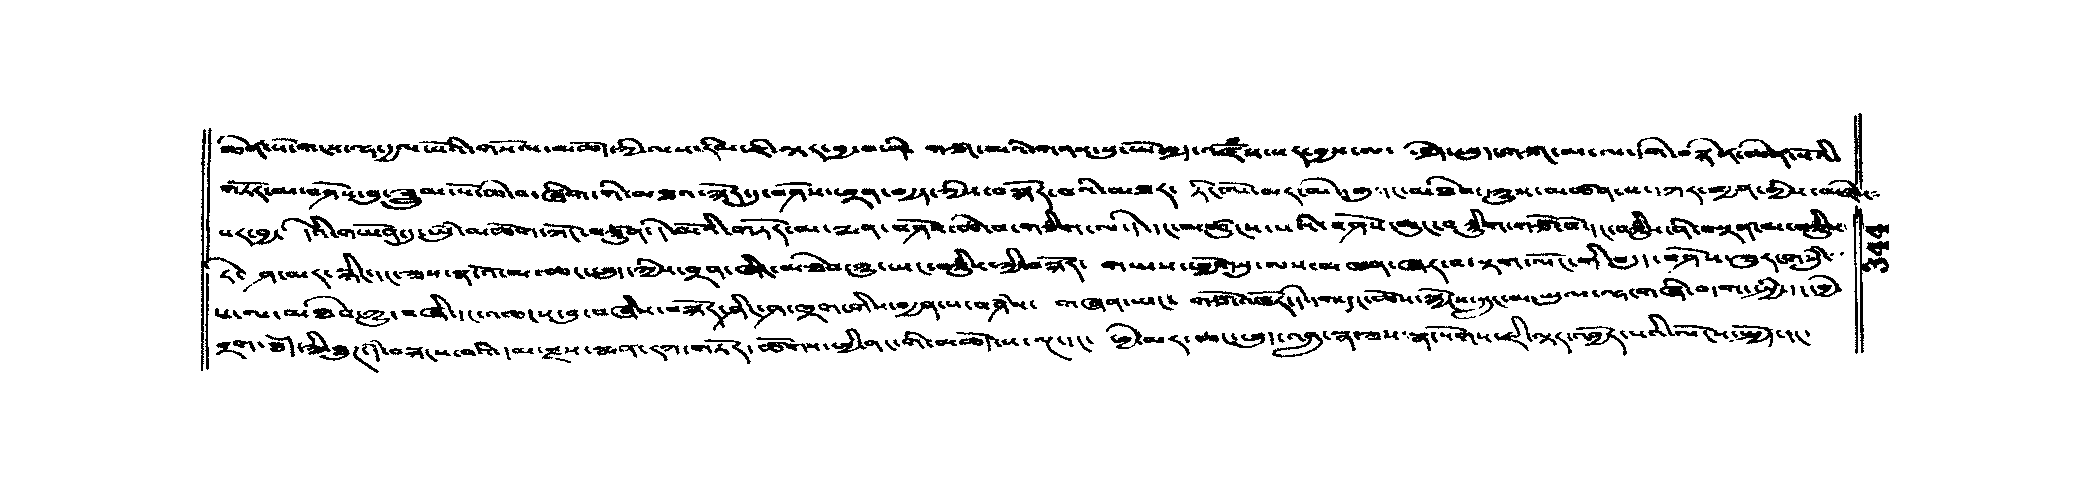ཆེན་པོ་གངས་ལྷ་རྒྱལ་པོའི་གསོལ་མཆོད་ཀྱི་ལས་རིམ་ཇི་ལྟར་བྱ་བ་ནི། གཙང་མའི་གནས་སུ་ཡོ་བྱད་འཛོམས་པར་བྱས་ལ། ཕྱེད་ཕུད་གཙང་མ་ལ་དགེ་བསྙེན་ཆེན་པོའི་
གཏོར་མ་བཤོས་བུ་ཟླུམ་པོ་ཆེ་བ་ཞིག་གི་མཐའ་སྐོར་དུ་བཤོས་ཕྲན་བརྒྱད་ཀྱིས་བསྐོར་བའི་མཐར། ཏིང་ལོ་མར་མེ་དགུ་དང་མཐེབ་དཀྱུས་མཚན་པ་དཀར་རྒྱན་གྱིས་མཛེས་
པར་བྱ། དེའི་གཡོན་དུ་ཡུམ་མཆོག་ཀོང་བཙུན་དེ་མོའི་གཏོར་མ་སྨན་བཤོས་ཆེ་བ་གཅིག་ལ་དེ་དང་མཚུངས་པའི་ལབཤོས་ཆུང་བཅུ་གཅིག་གཙོ་བོ་དང་བཅུ་གཉིས་ནི་བསྟན་མ་བཅུ་གཉིས་
རེ། ཤ་མར་སྙིང་དང་ཟས་སྣ་འོ་མ་ཆང་ཕུད་ཀྱིས་བྲན་ཞིང་མཐེབ་་ཀྱུ་དང་བཅུ་གཉིས་ཀྱི་བསྐོར། གཡས་པྱོགས་སུ་ལས་མཁན་ཞར་བ་སྟག་ལོང་གི་བདུད་བཤོས་ཟུར་གསུམ་
པ་ལ་མཐེབ་ཀྱུ་བཞི་དང་འཆངས་བུ་བཞིས་བསྐོར་ཞིང་ཤ་ཁྲག་གི་བརྒྱན་པབཤམས།གཞན་ཡང་། གཙོ་འཁོར་དེ་དག་དང་ཆོས་སྐྱོངས་སྲུང་མ་ཡུལ་ལྷ་གཞི་བདག་སྤྱི་དང་བྱེ་
བྲག་ཐམས་ཅད་ཀྱི་ཐུགས་དམ་བསྐངས་བའི་དམ་རྫས་སྨན་རག་གཏོར་ཚོགས་ཕྱི་ནང་གི་མཆོད་པ་ལྔ་དང་། ཕྱེ་མར་ཆང་ཕུད་འབྲུ་སྣ་སོགས་ཇི་ལྟར་འབྱོར་བའི་ལོངས་སྤྱོད་དང་།